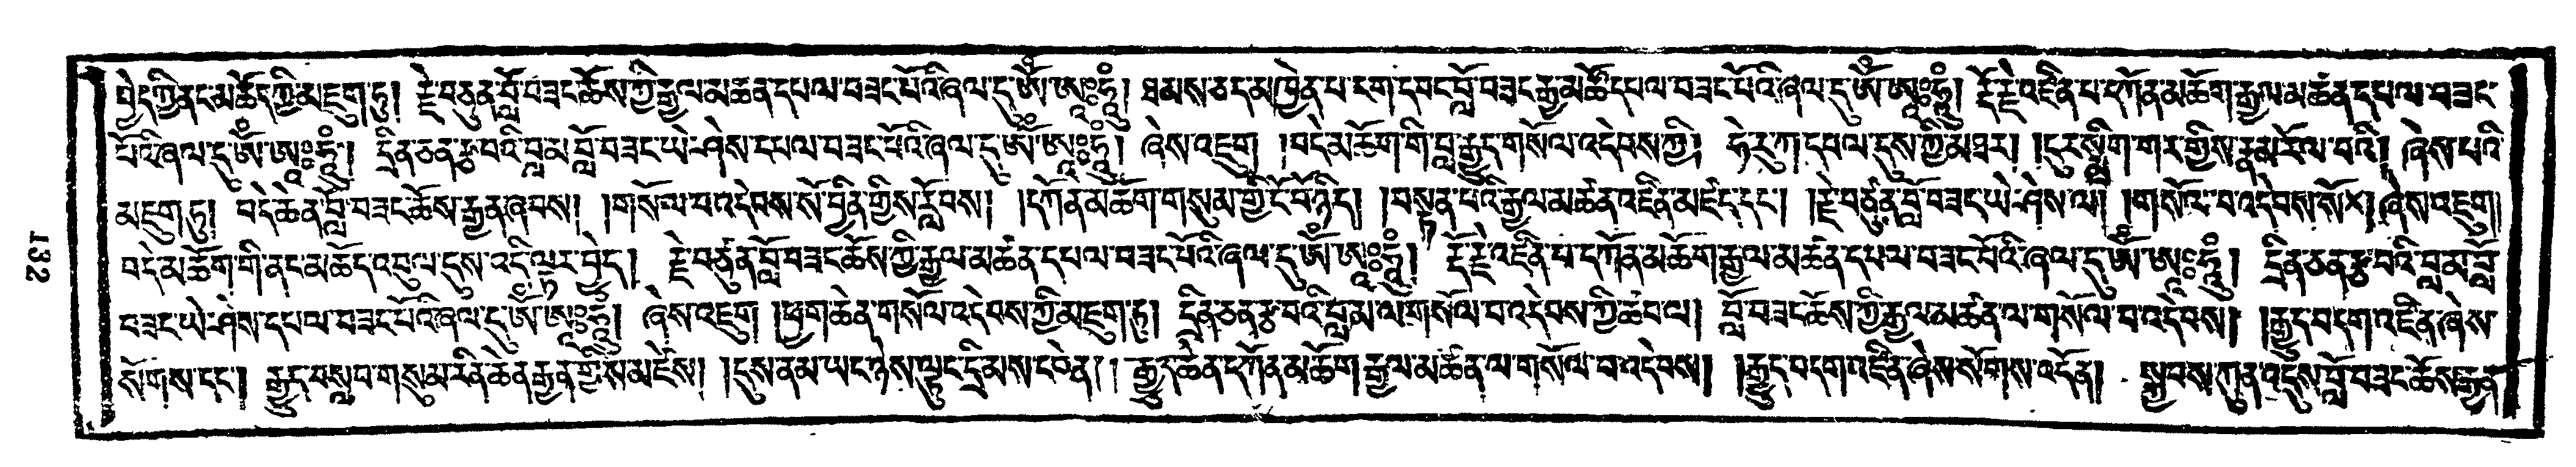བྱེད་ཀྱི་ནང་མཆོད་ཀྱི་མཇུག་ཏུ། རྗེ་བཅུན་བློ་བཟང་ཆོས་ཀྱི་རྒྱལ་མཚོ་དཔལ་བཟང་པོའི་ཞལ་དུ་ཨོཾ་ཨཱཿཧཱུཾ། ཐམས་ཅད་མཁྱེན་པ་ངག་དབང་བློ་བཟང་རྒྱ་མཚོ་དཔལ་བཟང་པོའི་ཞལ་དུ་ཨོཾ་ཨཱཿཧཱུཾ། རྡོ་རྗེ་འཛིན་པ་དཀོན་མཆོག་རྒྱལ་མཚན་དཔལ་བཟང་
པོའི་ཞལ་དུ་ཨོཾ་ཨཱཿཧཱུཾ། དྲིན་ཅན་རྩ་བའི་བླ་མ་བློ་བཟང་ཡེ་ཤེས་དཔལ་བཟང་པོའི་ཞལ་དུ་ཨོཾ་ཨཱཿཧཱུཾ། ཞེས་འཇུག །བདེ་མཆོག་གི་བླ་རྒྱུད་གསོལ་འདེབས་ཀྱི། ཧེ་རུ་ཀ་དཔལ་དུས་ཀྱི་མཐར། །དུར་སྨྲིག་གར་གྱིས་རྣམ་རོལ་བའི། ཞེས་པའི་
མཇུག་ཏུ། བདེ་ཆེན་བློ་བཟང་ཆོས་རྒྱན་ཞབས། །གསོལ་བ་འདེབས་སོ་བྱིན་གྱིས་རློབས། །དཀོན་མཆོག་གསུམ་གྱི་ངོ་བོ་ཉིད། །བསྟན་པའི་རྒྱལ་མཚན་འཛིན་མཛད་དང་། །རྗེ་བཙུན་བློ་བཟང་ཡེ་ཤེས་ལ། །གསོལ་བ་འདེབས་སོ་྾། ཞེས་འཇུག།
བདེ་མཆོག་གི་ནང་མཆོད་འབུལ་དུས་འདི་ལྟར་བྱེད། རྗེ་བཙུན་བློ་བཟང་ཆོས་ཀྱི་རྒྱལ་མཚན་དཔལ་བཟང་པོའི་ཞལ་དུ་ཨོཾ་ཨཱཿཧཱུཾ། རྡོ་རྗེ་འཛིན་པ་དཀོན་མཆོག་རྒྱལ་མཚན་དཔལ་བཟང་པོའི་ཞལ་དུ་ཨོཾ་ཨཱཿཧཱུཾ། དྲིན་ཅན་རྩ་བའི་བླ་མ་བློ་
བཟང་ཡེ་ཤེས་དཔལ་བཟང་པོའི་ཞལ་དུ་ཨོཾ་ཨཱཿཧཱུཾ། ཞེས་འཇུག །ཕྱག་ཆེན་གསོལ་འདེབས་ཀྱི་མཇུག་ཏུ། དྲིན་ཅན་རྩ་བའི་བླ་མ་ལ་གསོལ་བ་འདེབས་ཀྱི་ཚབ་ལ། བློ་བཟང་ཆོས་ཀྱི་རྒྱལ་མཚན་ལ་གསོལ་བ་འདེབས། །རྒྱུད་བདག་འཛིན་ཞེས་
སོགས་དང་། རྒྱུད་བསླབ་གསུམ་རིན་ཆེན་རྒྱན་གྱིས་མཛེས། །དུས་ནམ་ཡང་ཉེས་ལྟུང་དྲི་མས་དབེན། །རྒྱུད་ཆེན་དཀོན་མཆོག་རྒྱལ་མཚན་ལ་གསོལ་བ་འདེབས། །རྒྱུད་བདག་འཛིན་ཞེས་སོགས་འདོན། སྐྱབས་ཀུན་འདུས་བློ་བཟང་ཆོས་རྒྱན་